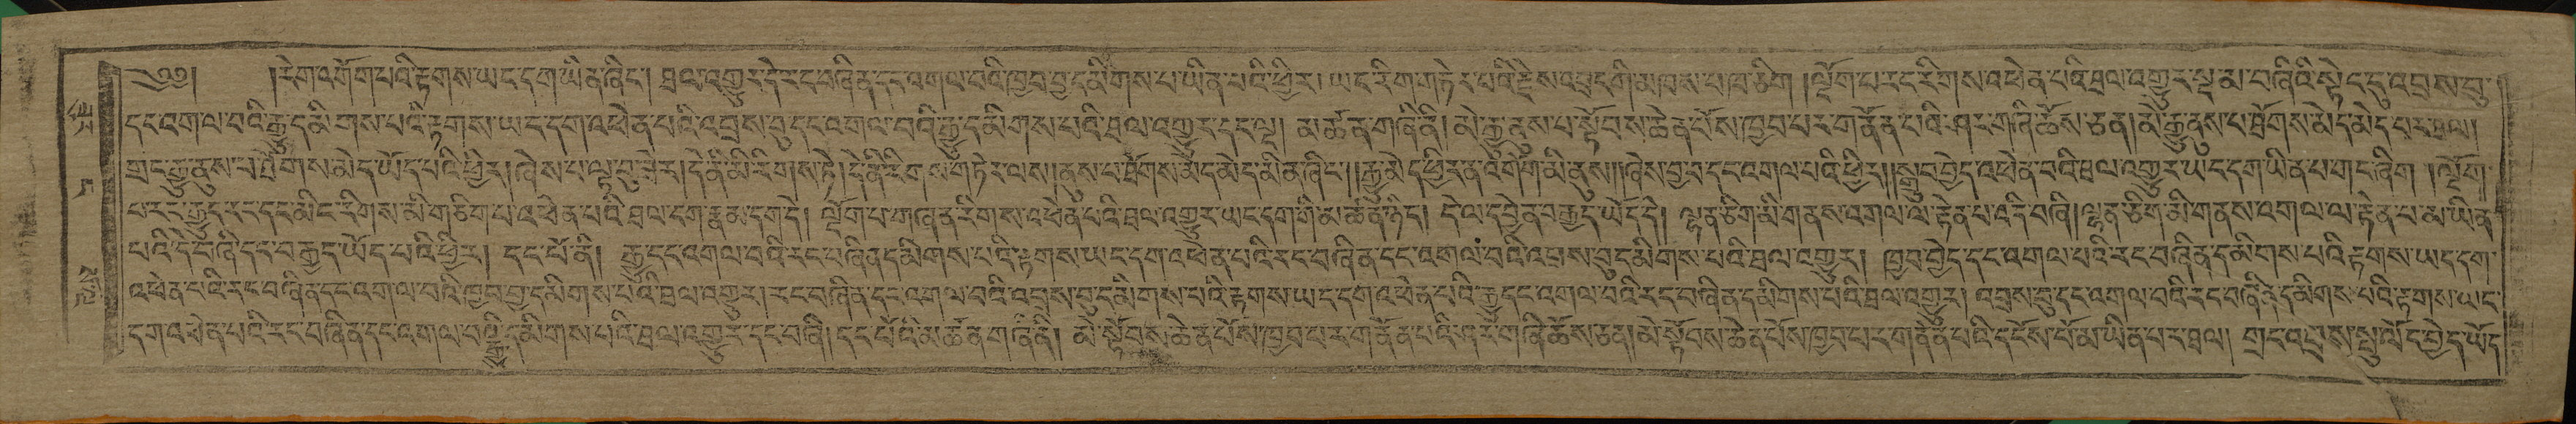༄༅། །རེག་འགོག་པའི་རྟགས་ཡང་དག་ཡིན་ཞིང་།ཐལ་འགྱུར་དེ་རང་བཞིན་དང་འགལ་བའི་ཁྱབ་བྱ་དམིགས་པ་ཡིན་པའི་ཕྱིར། ཡང་རིག་གཏེར་པའི་རྗེས་འབྲང་གི་མཁས་པ་ཁ་ཅིག །ལྡོག་པ་རང་རིགས་འཕེན་པའི་ཐལ་འགྱུར་སྔ་མ་བཞིའི་སྟེང་དུ་འབྲས་བུ་
དང་འགལ་བའི་རྒྱུ་དམིགས་པའི་རྟགས་ཡང་དག་འཕེན་པའི་འབྲས་བུ་དང་འགལ་བའི་རྒྱུ་དམིགས་པའི་ཐལ་འགྱུར་དང་ལྔ། མཚན་གཞི་ནི། མེ་རྒྱུ་ནུས་པ་སྟོབས་ཆེན་པོས་ཁྱབ་པར་གནོན་པའི་ཤར་གཞི་ཆོས་ཅན། མེ་རྒྱུ་ནུས་པ་ཐོགས་མེད་མེད་པར་ཐལ།
གྲང་རྒྱུ་ནུས་པ་ཐོགས་མེད་ཡོད་པའི་ཕྱིར། ཞེས་པ་ལྟ་བུ་ཟེར། དེ་ནི་མི་རིགས་ཏེ། དེ་ནི་རིགས་གཏེར་ལས། ནུས་པ་ཐོགས་མེད་མེད་མིན་ཞིང་། །རྒྱུ་མེད་ཕྱིར་ན་འགོག་མི་ནུས། །ཞེས་བྱ་བ་དང་འགལ་བའི་ཕྱིར། །སྒྲུབ་བྱེད་འཕེན་པའི་ཐལ་འགྱུར་ཡང་དག་ཡིན་པ་གང་ཞིག །ལྡོག་
པ་རང་རྒྱུད་རང་དང་མིང་རིགས་མི་གཅིག་པ་འཕེན་པའི་ཐལ་ངག་རྣམ་དག་དེ། ལྡོག་པ་གཞན་རིགས་འཕེན་པའི་ཐལ་འགྱུར་ཡང་དག་གི་མཚན་ཉིད། དེ་ལ་དབྱེ་ན་བརྒྱད་ཡོད་དེ། ལྷན་ཅིག་མི་གནས་འགལ་ལ་རྟེན་པ་འདི་བཞི། ལྷན་ཅིག་མི་གནས་འགལ་ལ་རྟེན་པ་མ་ཡིན་
པའི་དེ་བཞི་དང་བརྒྱད་ཡོད་པའི་ཕྱིར། དང་པོ་ནི། རྒྱུ་དང་འགལ་བའི་རང་བཞིན་དམིགས་པའི་རྟགས་ཡང་དག་འཕེན་པའི་རང་བཞིན་དང་འགལ་བའི་འབྲས་བུ་དམིགས་པའི་ཐལ་འགྱུར། ཁྱབ་བྱེད་དང་འགལ་པའི་རང་བཞིན་དམིགས་པའི་རྟགས་ཡང་དག་
འཕེན་པའི་རང་བཞིན་དང་འགལ་བའི་ཁྱབ་བྱ་དམིགས་པའི་ཐལ་འགྱུར། རང་བཞིན་དང་འགལ་བའི་འབྲས་བུ་དམིགས་པའི་རྟགས་ཡང་དག་འཕེན་པའི་རྒྱུ་དང་འགལ་བའི་རང་བཞིན་དམིགས་པའི་ཐལ་འགྱུར། འབྲས་བུ་དང་འགལ་བའི་རང་བཞིན་དམིགས་པའི་རྟགས་ཡང་
དག་འཕེན་པའི་རང་བཞིན་དང་འགལ་བའི་རྒྱུ་དམིགས་པའི་ཐལ་འགྱུར་དང་བཞི། དང་པོའི་མཚན་གཞི་ནི། མེ་སྟོབས་ཆེན་པོས་ཁྱབ་པར་གནོན་པའི་ཤར་གཞི་ཆོས་ཅན། མེ་སྟོབས་ཆེན་པོས་ཁྱབ་པར་གནོན་པའི་དངོས་པོ་མ་ཡིན་པར་ཐལ། གྲང་འབྲས་སྤུ་ལོང་བྱེད་ཡོད་